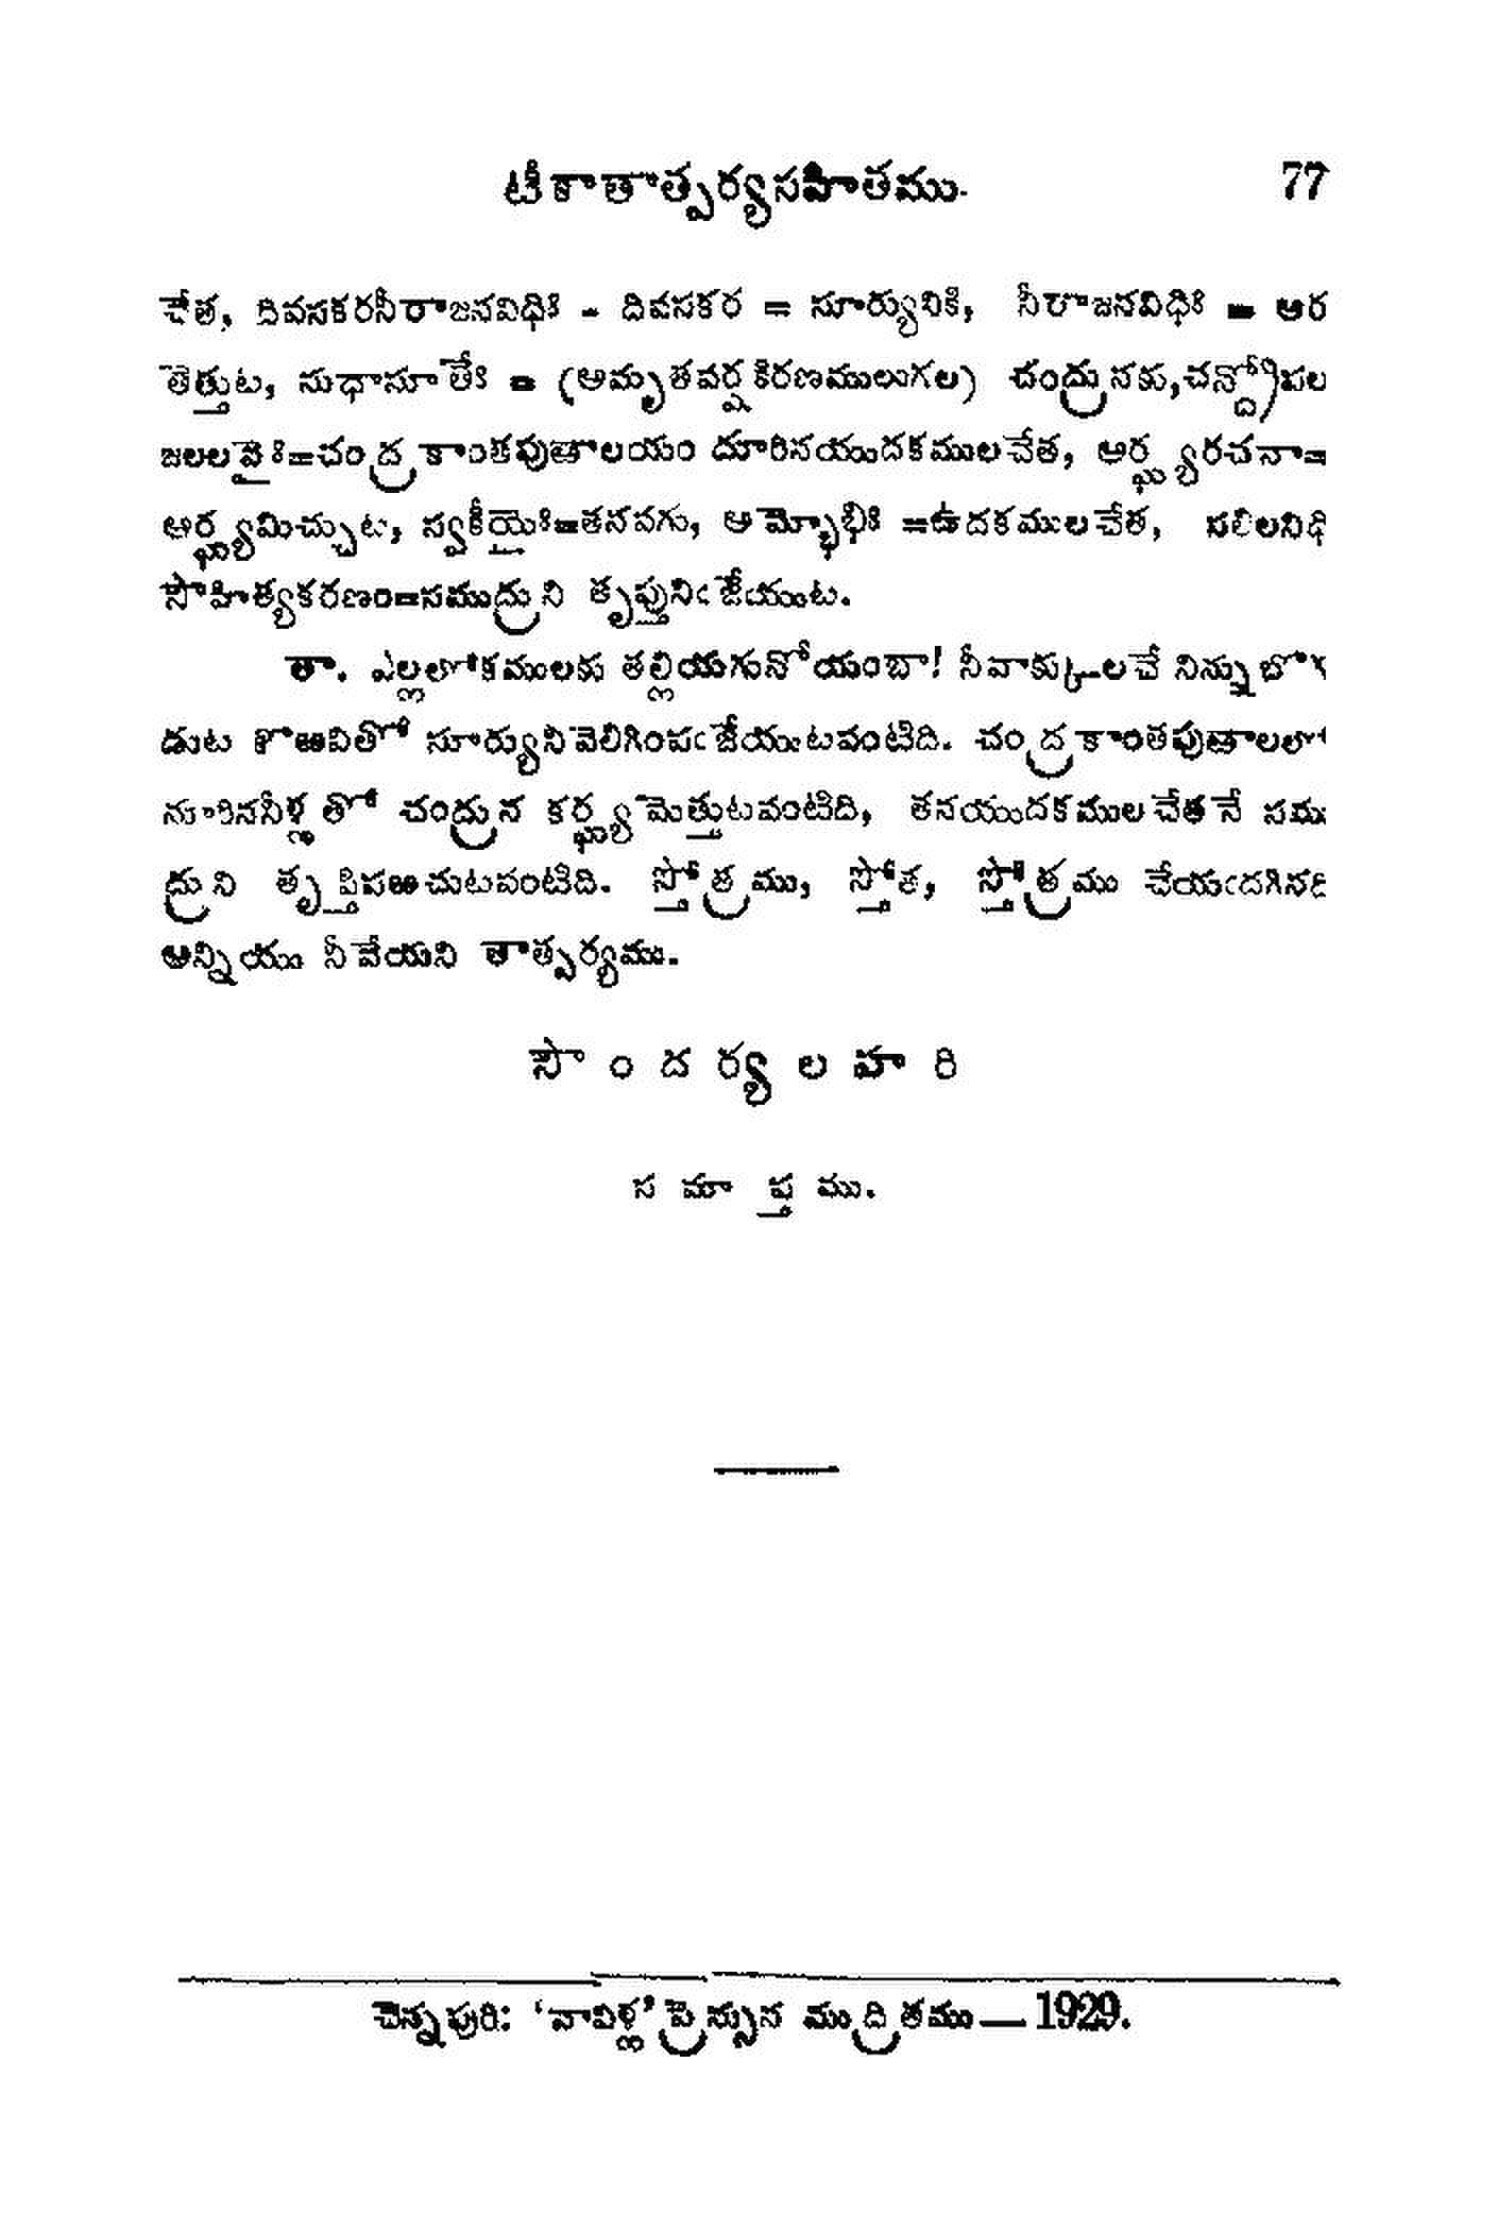చేత, దివసకరనీరాజనవిధిః-దివసకర = సూర్యునికి, నీరాజనవిధిః = ఆరతెత్తుట, సుధాసూతేః = (అమృతవర్షకిరణములుగల) చంద్రునకు, చన్ద్రోపల జలలవైః = చంద్రకాంతపుఱాలయం దూరినయుదకములచేత, అర్ఘ్యరచనా = అర్ఘ్యమిచ్చుట, స్వకీయైః = తనవగు, అమ్భోభిః = ఉదకములచేత, సలిలనిధి సౌహిత్యకరణం = సముద్రుని తృప్తునిఁజేయుట.

తా. ఎల్లలోకములకు తల్లియగునోయంబా! నీవాక్కులచే నిన్నుబొగడుట కొఱవితో సూర్యునివెలిగింపఁజేయుటవంటిది. చంద్రకాంతపుఱాలలో నూరిననీళ్లతో చంద్రున కర్ఘ్యమెత్తుటవంటిది, తనయుదకములచేతనే సముద్రుని తృప్తిపఱచుటవంటిది. స్తోత్రము, స్తోత, స్తోత్రము చేయఁదగినది అన్నియు నీవేయని తాత్పర్యము.

సౌందర్యలహరి

సమాప్తము.